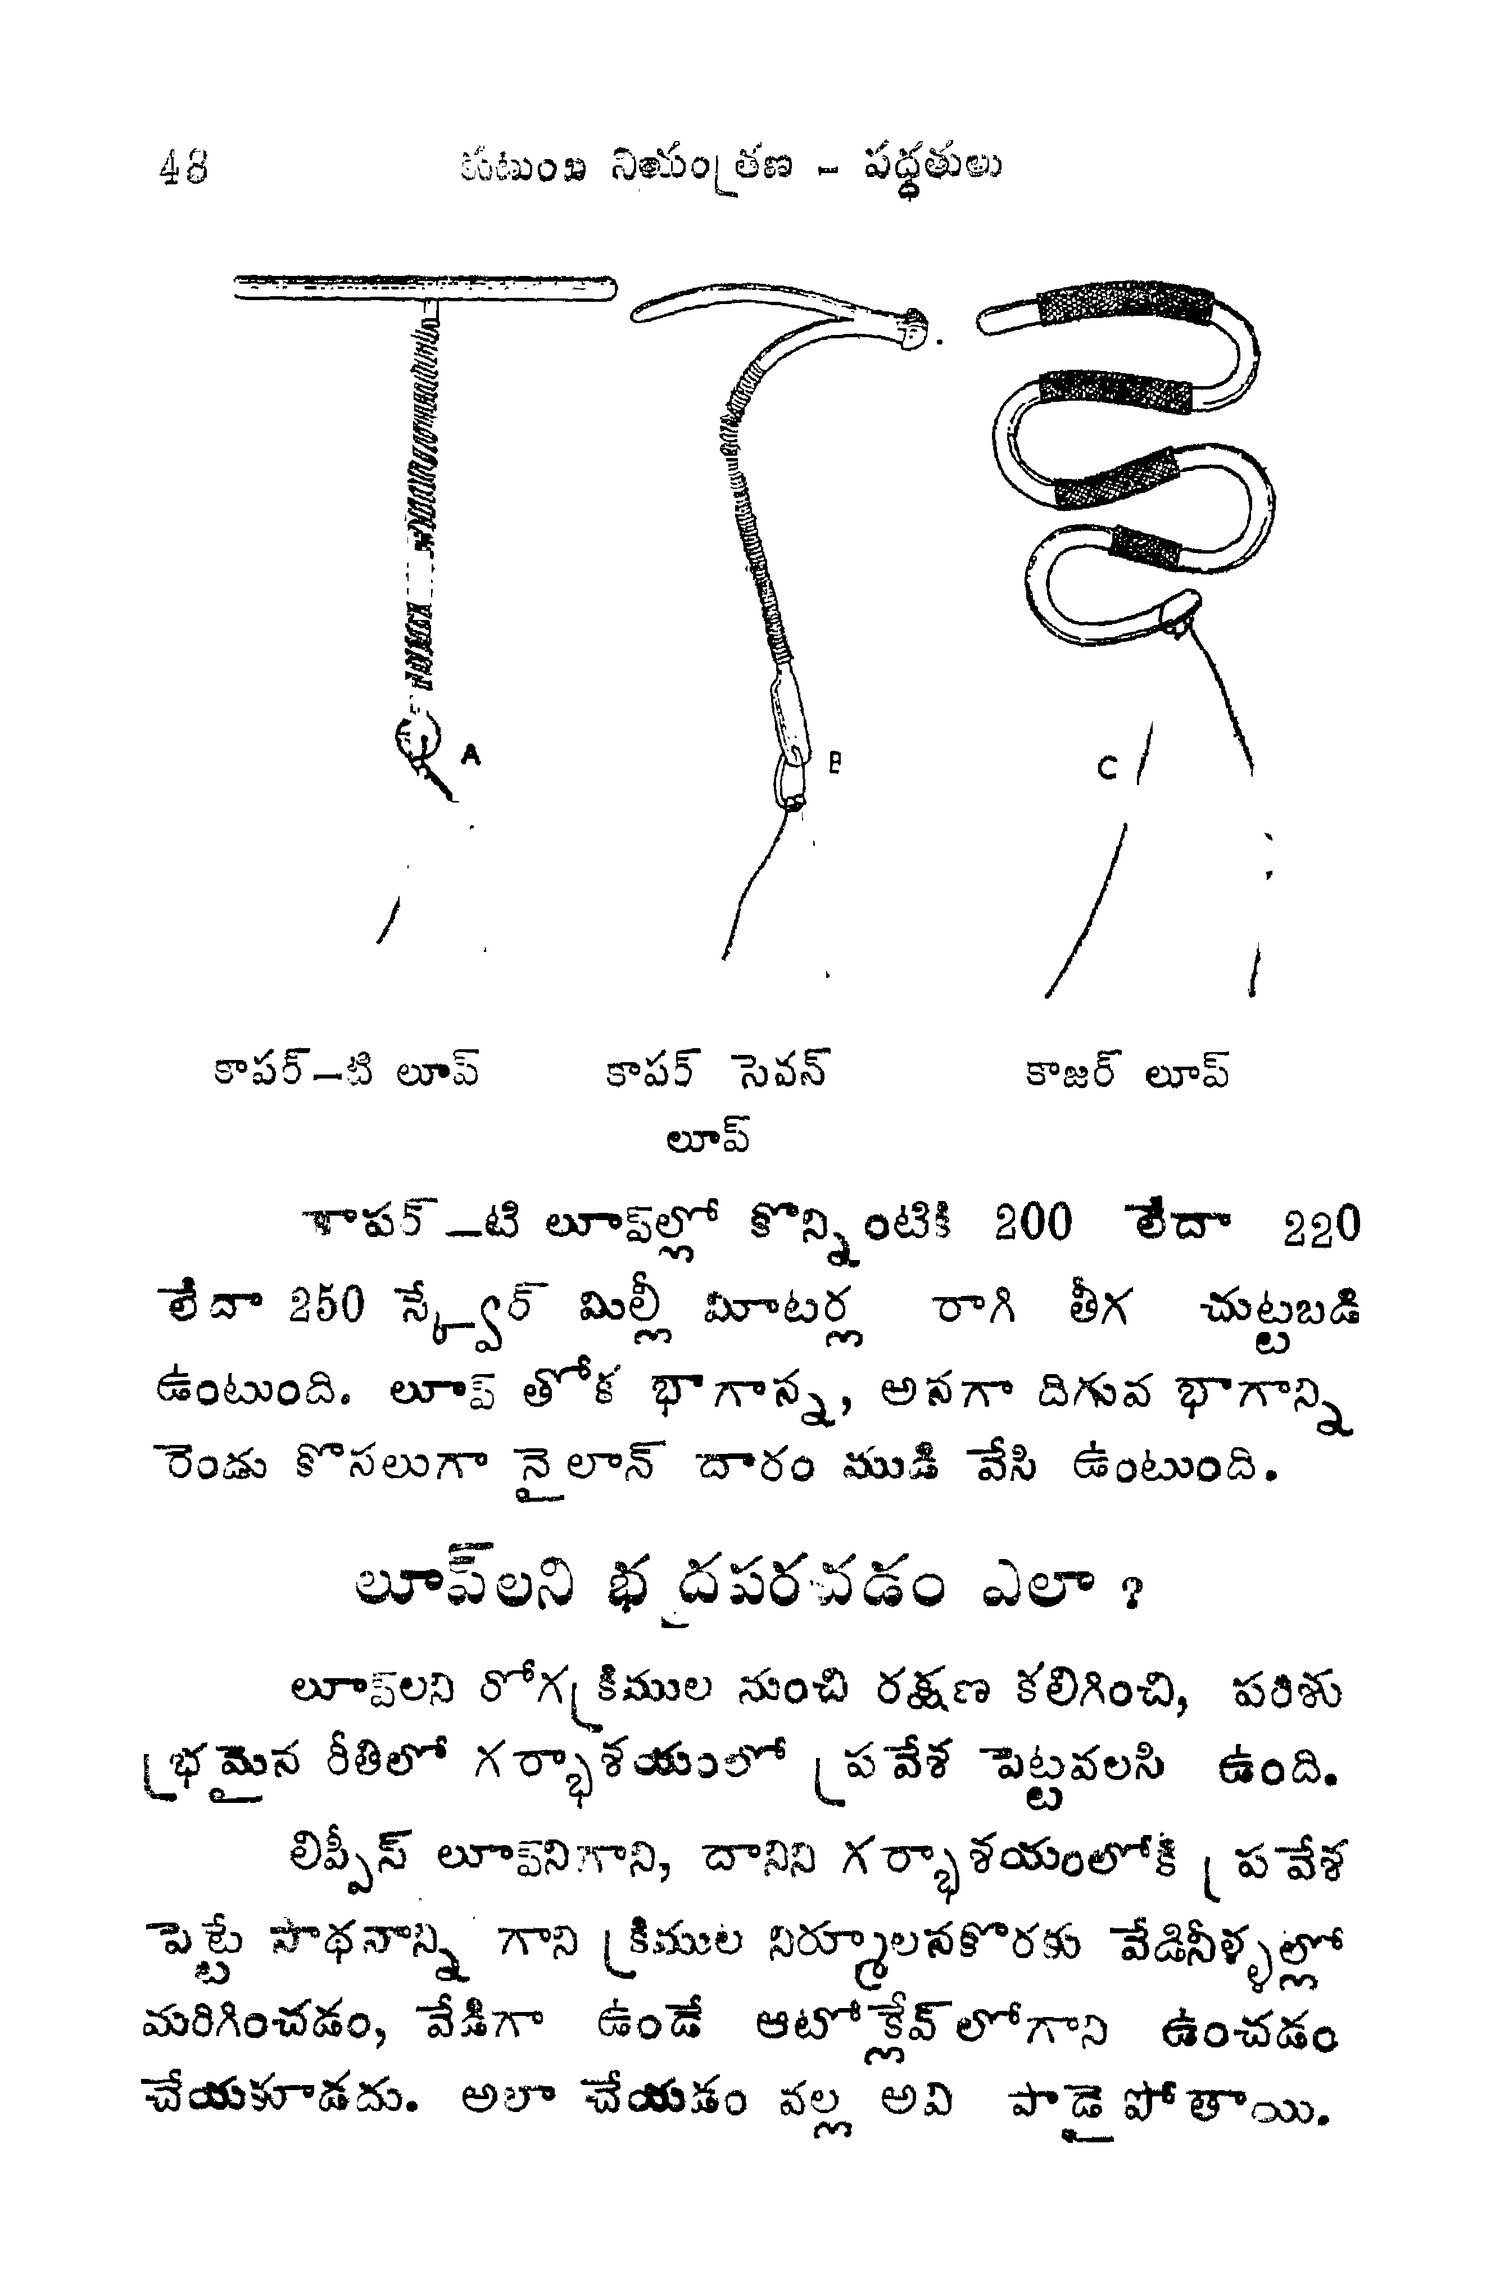కాపర్-టి లూప్‌ల్లో కొన్నింటికి 200 లేదా 220 లేదా 250 స్క్వేర్ మిల్లీ మీటర్ల రాగి తీగ చుట్టబడి ఉంటుంది. లూప్ తోక భాగాన్న, అనగా దిగువ భాగాన్ని రెండు కొసలుగా నైలాన్ దారం ముడి వేసె ఉంటుంది.

లూప్‌లని రోగక్రిముల నుంచి రక్షణ కలిగించి, పరిశుభ్రమైన రీతిలో గర్భాశయంలో ప్రవేశ పెట్టవలసి ఉంది.

లిప్పీస్ లూప్‌నిగాని, దానిని గర్భాశయంలోకి ప్రవేశపెట్టే సాధనాన్ని గాని క్రిముల నిర్మూలనకొరకు వేడినీళ్ళల్లో మరిగించడం, వేడిగా ఉండే ఆటోక్లేవ్‌లోగాని ఉంచడం చేయకూడదు. అలా చేయడం వల్ల అవి పాడైపోతాయి.